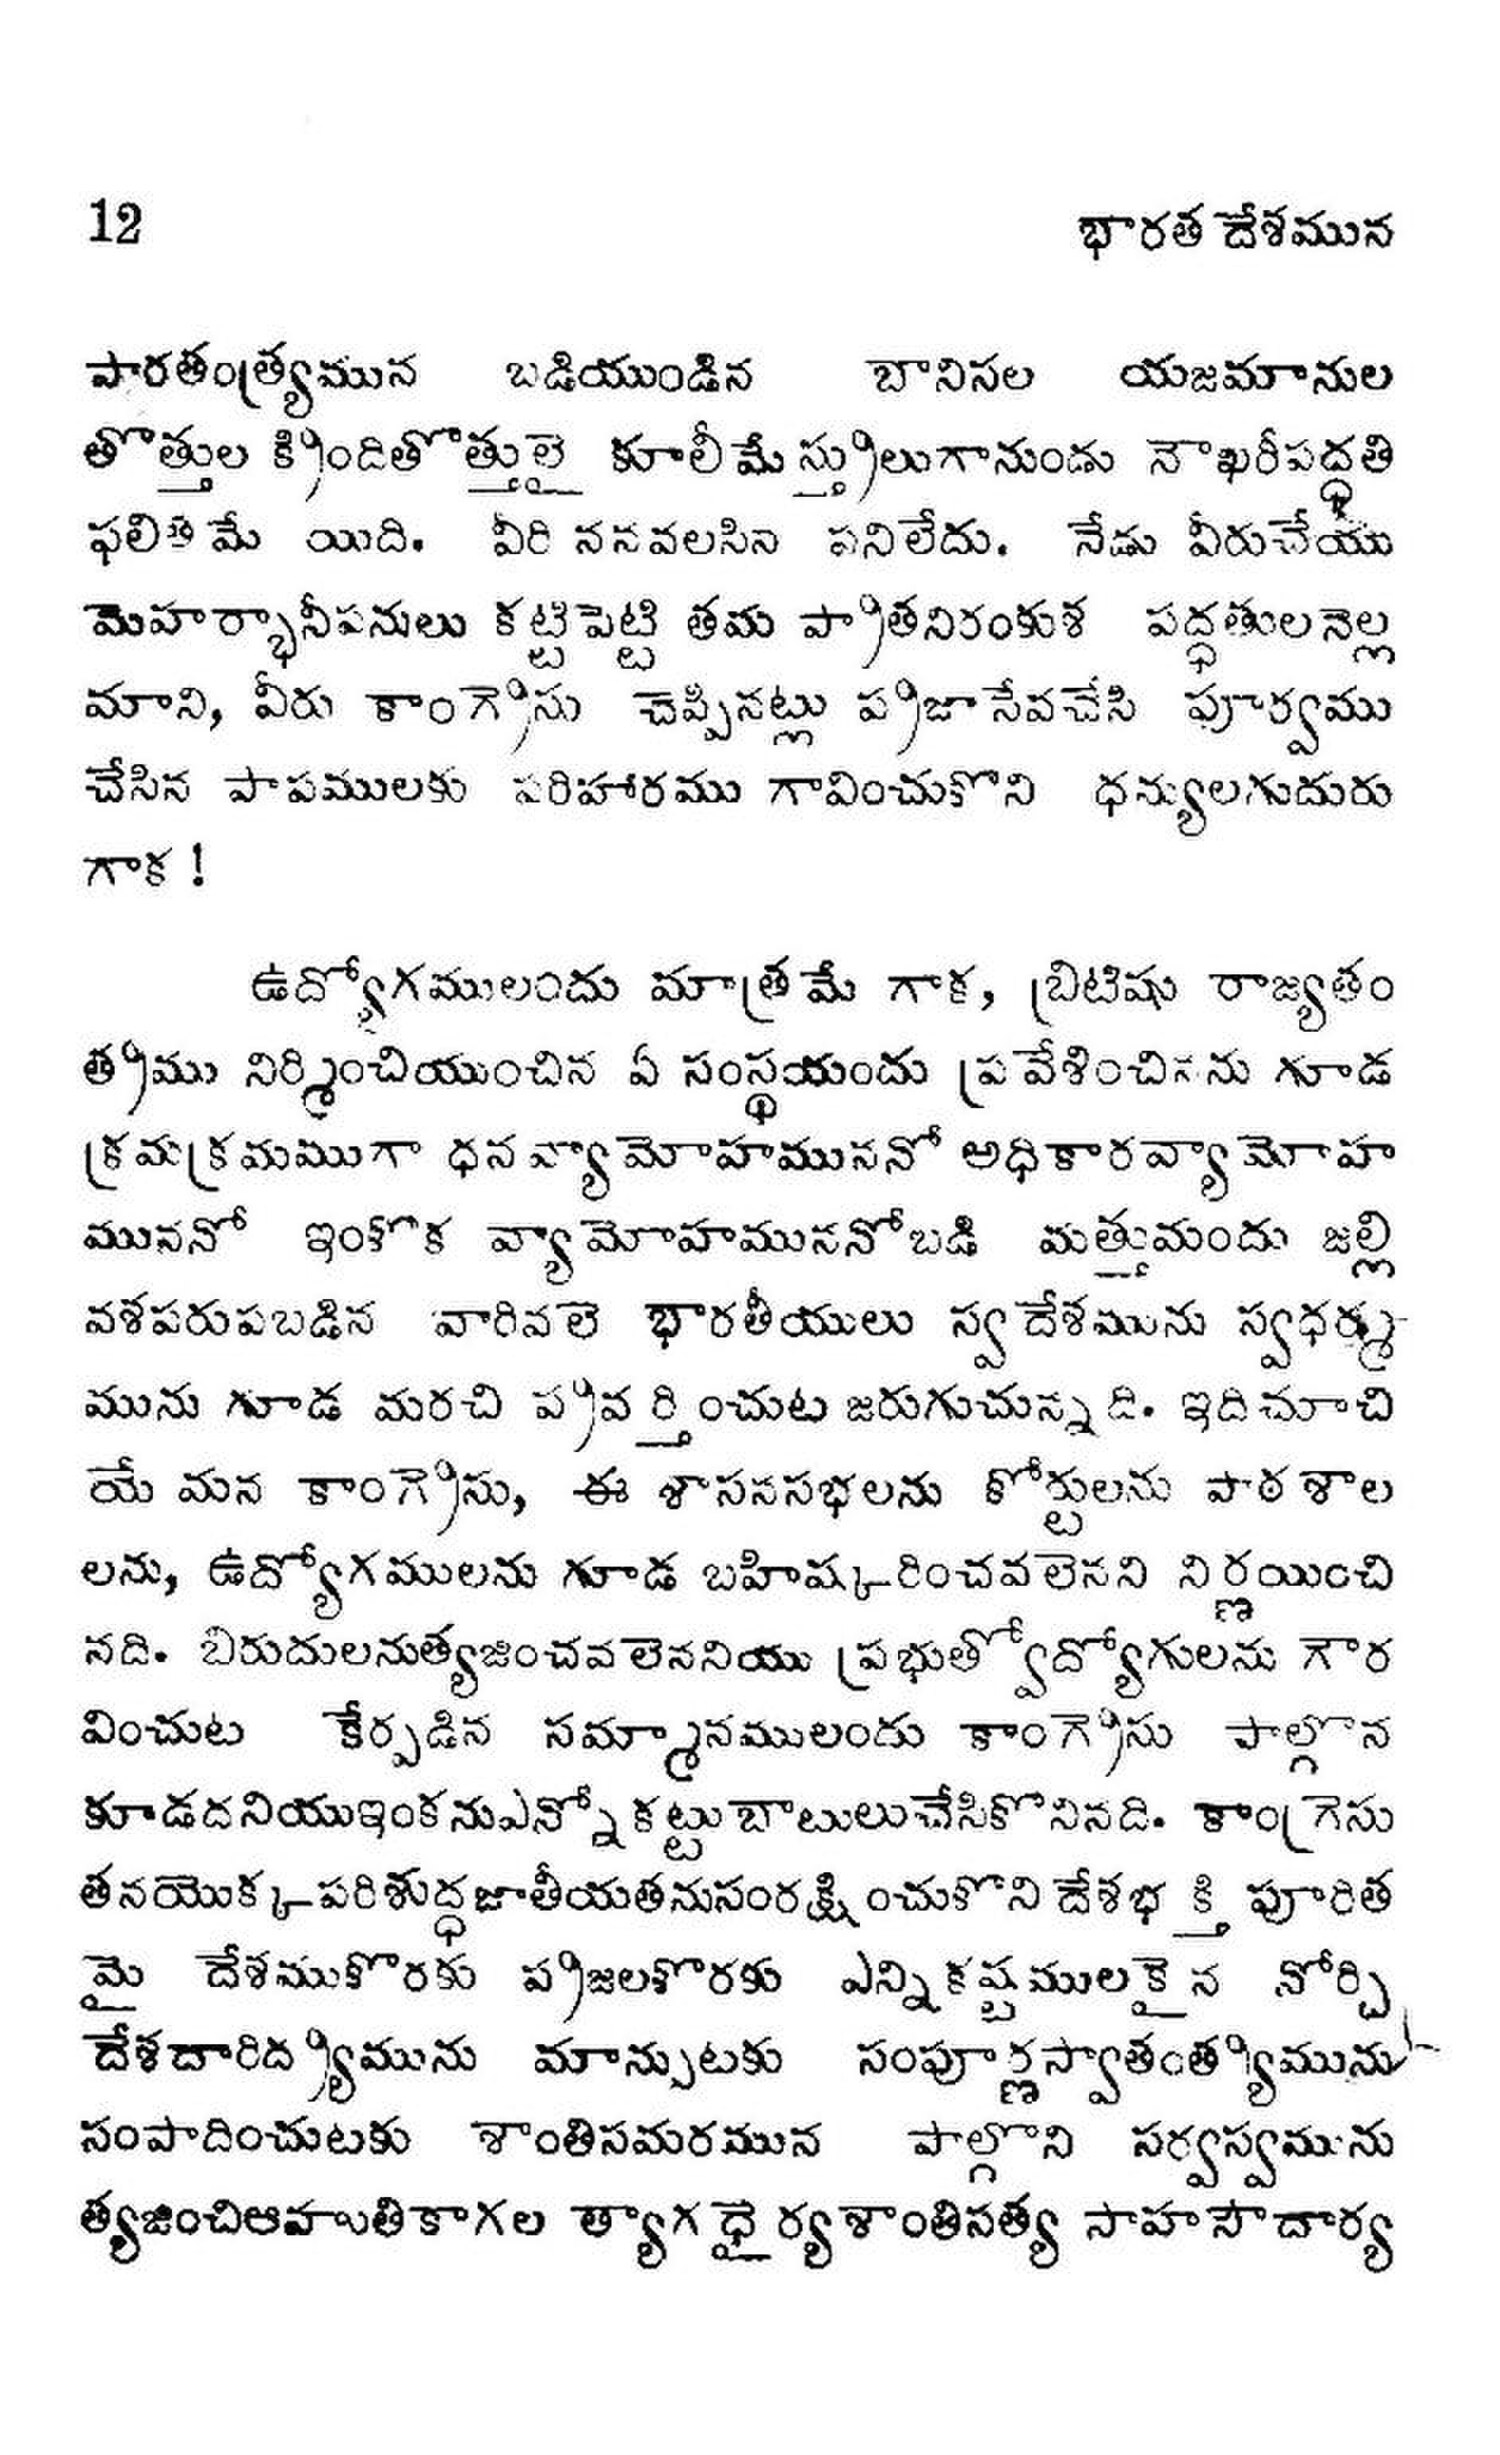పారతంత్ర్యమున బడియుండిన బానిసల యజమానుల తొత్తుల క్రిందితొత్తులై కూలీమేస్త్రులుగానుండు నౌఖరీపద్ధతి ఫలితమే యిది. వీరి ననవలసిన పనిలేదు. నేడు వీరుచేయు మెహర్భానీపనులు కట్టిపెట్టి తమ ప్రాతనిరంకుశ పద్దతులనెల్ల మాని, వీరు కాంగ్రెసు చెప్పినట్లు ప్రజాసేవచేసి పూర్వము చేసిన పాపములకు పరిహారము గావించుకొని ధన్యులగుదురు గాక!

ఉద్యోగములందు మాత్రమే గాక, బ్రిటిషు రాజ్యతంత్రము నిర్మించియుంచిన ఏ సంస్థయందు ప్రవేశించినను గూడ క్రమక్రమముగా ధనవ్యామోహముననో అధికారవ్యామోహముననో ఇంకొక వ్యామోహముననోబడి మత్తుమందు జల్లి వశపరుపబడిన వారివలె భారతీయులు స్వదేశమును స్వధర్మమును గూడ మరచి ప్రవర్తించుట జరుగుచున్నది. ఇదిచూచి యే మన కాంగ్రెసు, ఈ శాసనసభలను కోర్టులను పాఠశాలలను, ఉద్యోగములను గూడ బహిష్కరించవలెనని నిర్ణయించినది. బిరుదులనుత్యజించవలెననియు ప్రభుత్వోద్యోగులను గౌరవించుట కేర్పడిన సమ్మానములందు కాంగ్రెసు పాల్గొన కూడదనియు ఇంకనుఎన్నోకట్టుబాటులుచేసికొనినది. కాంగ్రెసు తనయొక్క పరిశుద్దజాతీయతనుసంరక్షించుకొని దేశభక్తి పూరితమై దేశముకొరకు ప్రజలకొరకు ఎన్నికష్టములకైన నోర్చి దేశదారిద్ర్యమును మాన్పుటకు సంపూర్ణ స్వాతంత్ర్యమును సంపాదించుటకు శాంతిసమరమున పాల్గొని సర్వస్వమును త్యజించి ఆహుతికాగల త్యాగధైర్య శాంతిసత్య సాహసౌదార్య